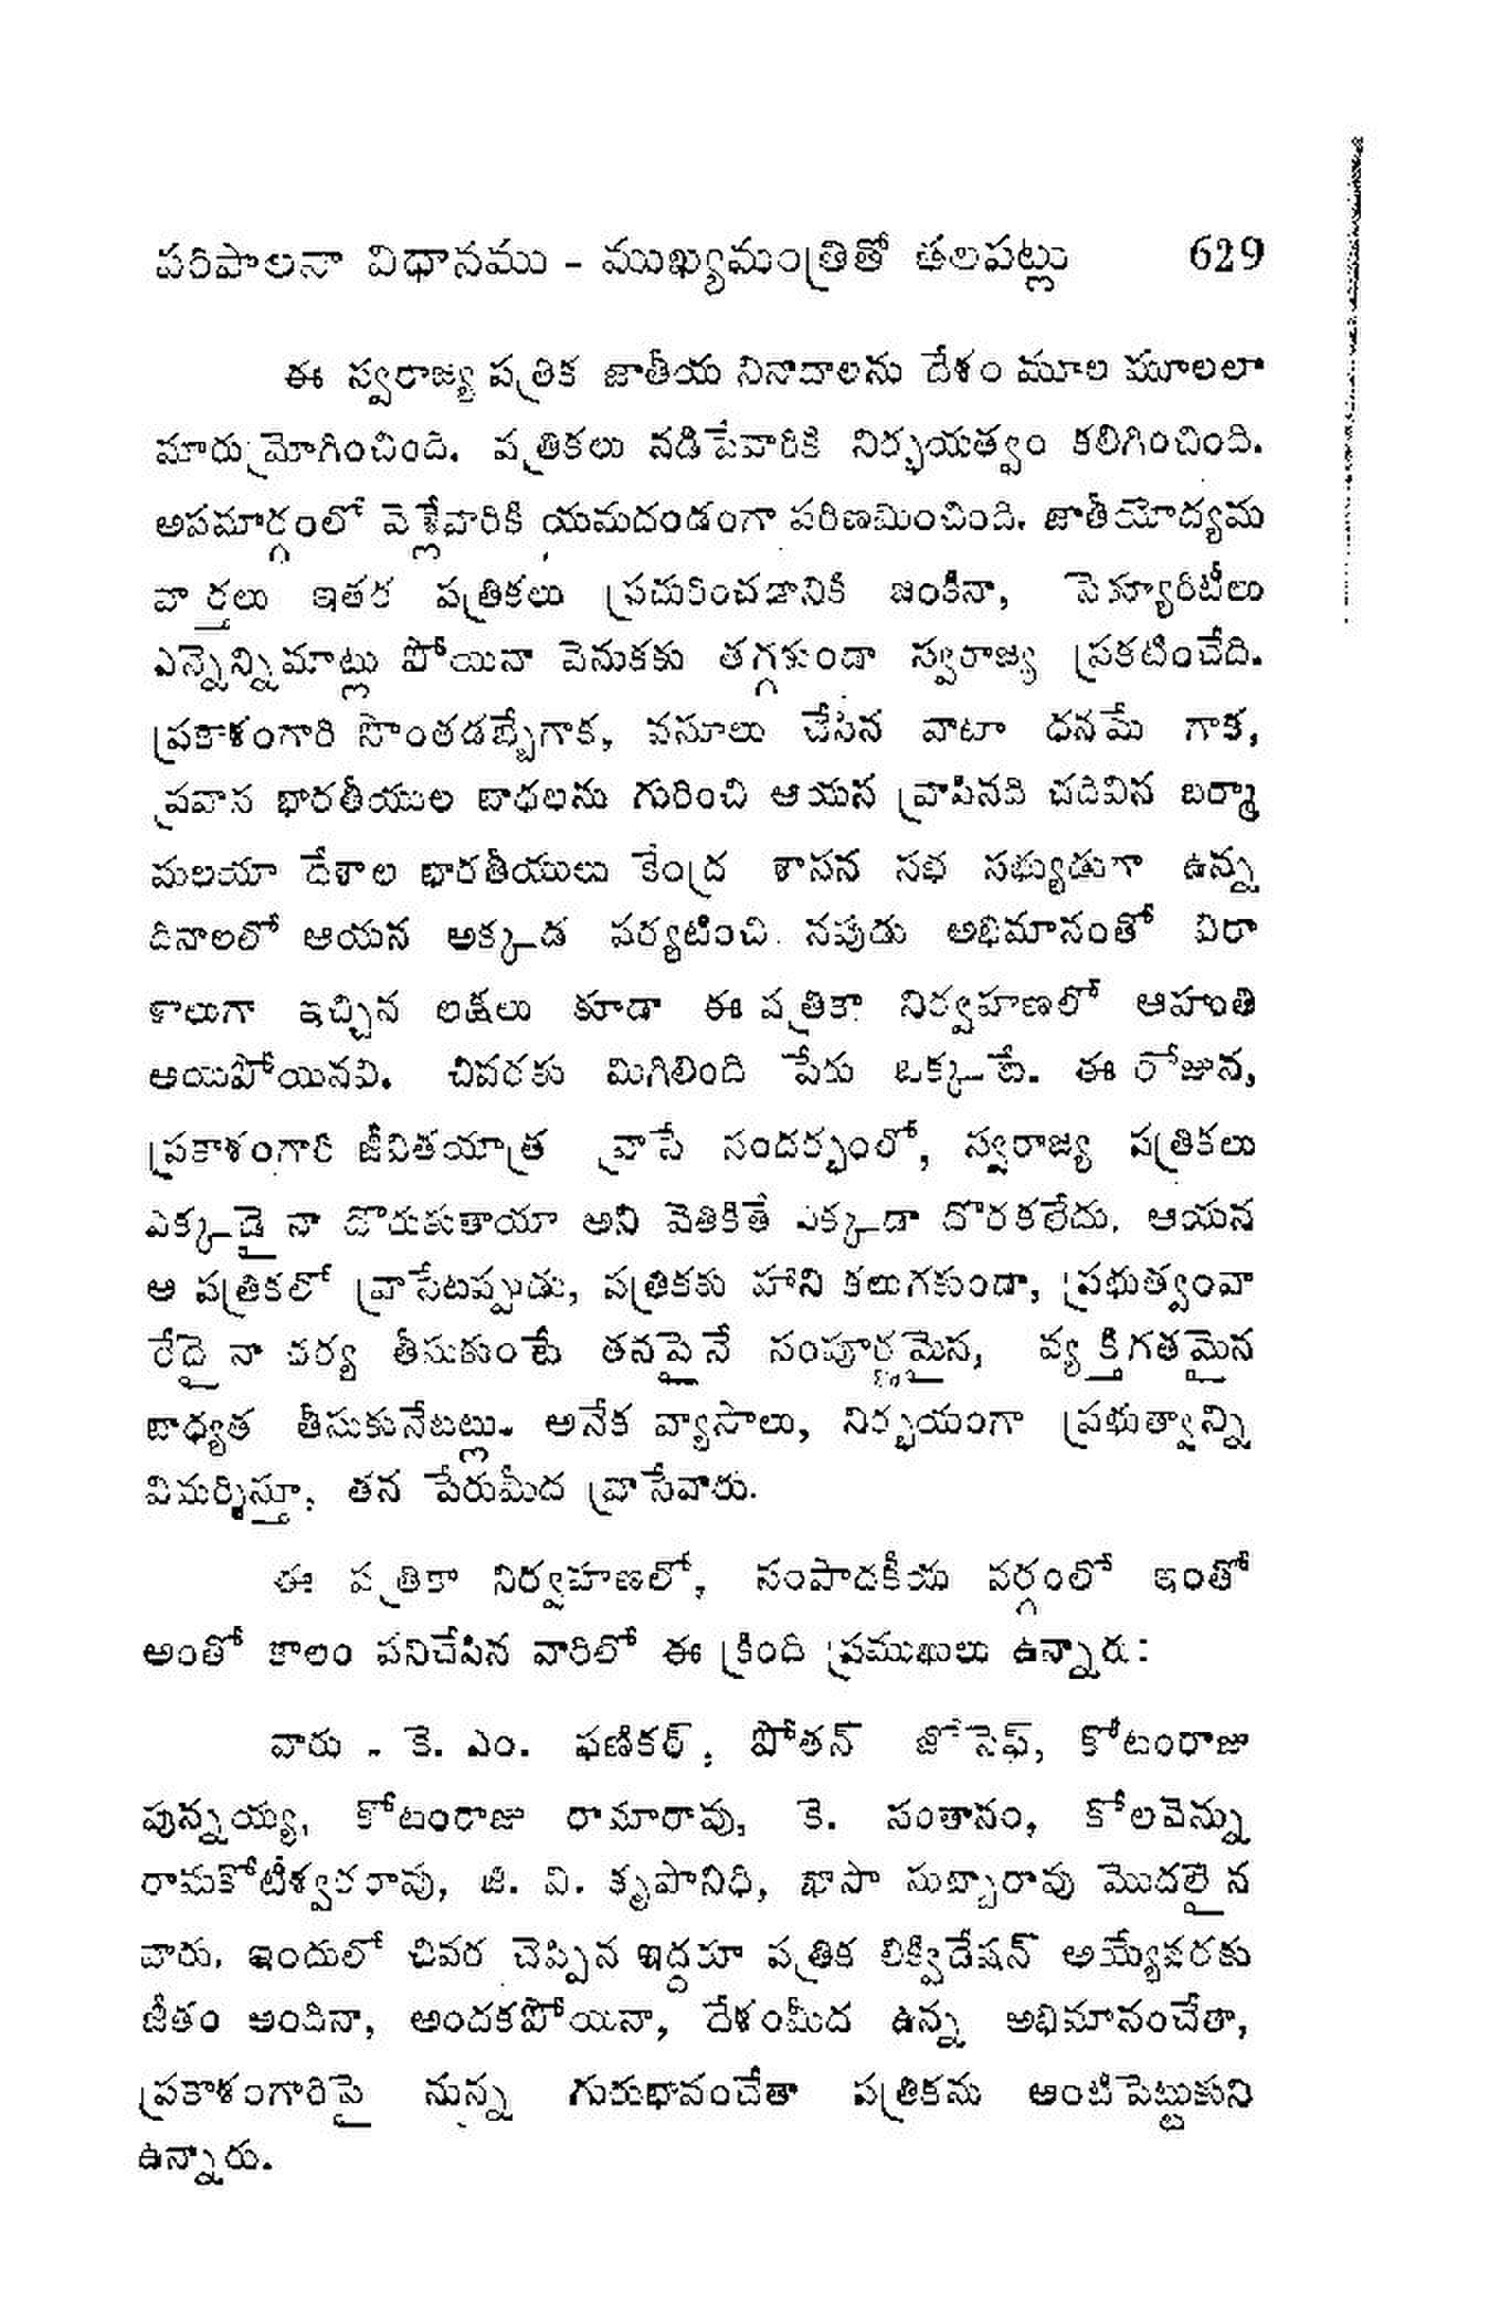ఈ స్వరాజ్య పత్రిక జాతీయ నినాదాలను దేశం మూల మూలలా మారుమ్రోగించింది. పత్రికలు నడిపేవారికి నిర్భయత్వం కలిగించింది. అపమార్గంలో వెళ్లేవారికి యమదండంగా పరిణమించింది. జాతీయోద్యమ వార్తలు ఇతర పత్రికలు ప్రచురించడానికి జంకినా, సెక్యూరిటీలు ఎన్నెన్నిమాట్లు పోయినా వెనుకకు తగ్గకుండా స్వరాజ్య ప్రకటించేది. ప్రకాశం గారి సొంతడబ్బేగాక, వసూలు చేసిన వాటా ధనమే గాక, ప్రవాస భారతీయుల బాధలను గురించి ఆయన వ్రాసినది చదివిన బర్మా మలయా దేశాల భారతీయులు కేంద్ర శాసన సభ సభ్యుడుగా ఉన్న దినాలలో ఆయన అక్కడ పర్యటించి నపుడు అభిమానంతో విరాళాలుగా ఇచ్చిన లక్షలు కూడా ఈ పత్రికా నిర్వహణలో ఆహుతి అయిపోయినవి. చివరకు మిగిలింది పేరు ఒక్కటే. ఈ రోజున, ప్రకాశంగారి జీవితయాత్ర వ్రాసే సందర్భంలో. స్వరాజ్య పత్రికలు ఎక్కడైనా దొరుకుతాయా అని వెతికితే ఎక్కడా దొరకలేదు. ఆయన ఆ పత్రికలో వ్రాసే టప్పుడు, పత్రికకు హాని కలుగకుండా, ప్రభుత్వంవారేదైనా చర్య తీసుకుంటే తనపైనే సంపూర్ణమైన, వ్యక్తిగతమైన బాధ్యత తీసుకునేటట్లు - అనేక వ్యాసాలు, నిర్భయంగా ప్రభుత్వాన్ని విమర్శిస్తూ, తన పేరుమీద వ్రాసేవారు.

ఈ పత్రికా నిర్వహణలో, సంపాదకీయ వర్గంలో ఇంతో అంతో కాలం పనిచేసిన వారిలో ఈ క్రింది ప్రముఖులు ఉన్నారు:

వారు - కె. ఎం. ఫణికర్, పోతన్ జోసెప్, కోటంరాజు పున్నయ్య, కోటంరాజు రామారావు, కె. సంతానం, కోలవెన్ను రామకోటేశ్వరరావు, జి. వి. కృపానిధి, ఖాసా సుబ్బారావు మొదలైన వారు. ఇందులో చివర చెప్పిన ఇద్దరూ పత్రిక లిక్విడేషన్ అయ్యేవరకు జీతం అందినా, అందకపోయినా, దేశంమీద ఉన్న అభిమానంచేతా, ప్రకాశంగారిపై నున్న గురుభావంచేతా పత్రికను అంటిపెట్టుకుని ఉన్నారు.